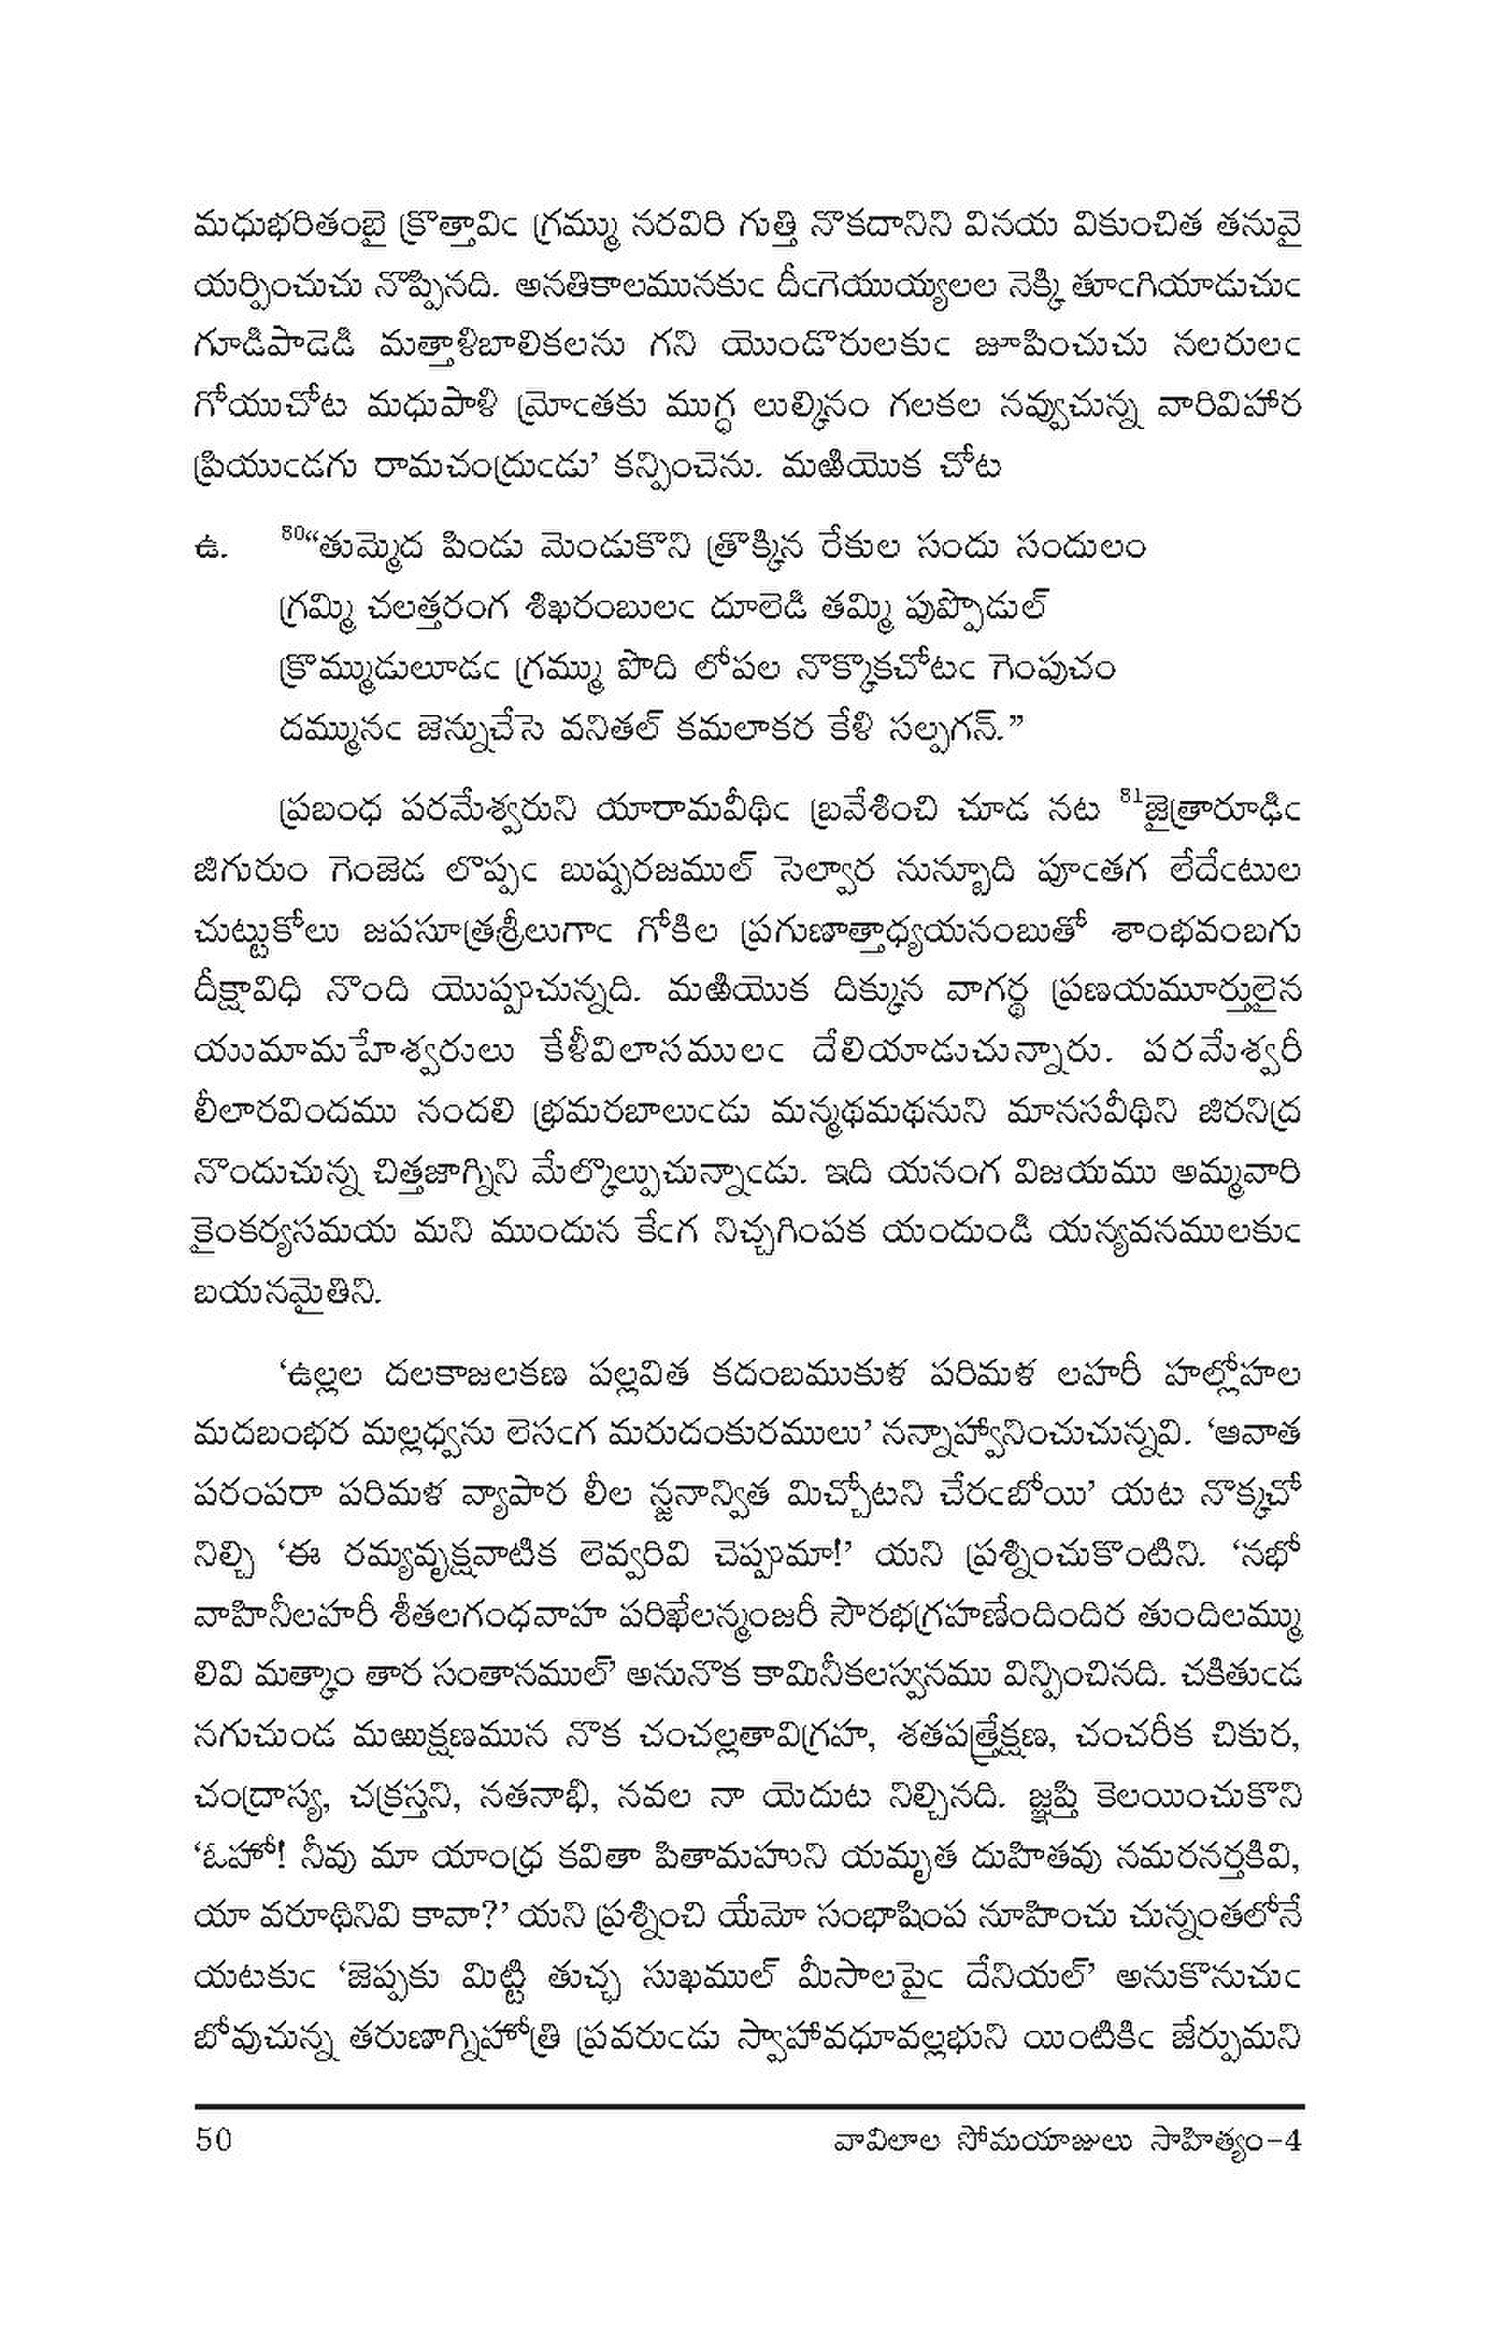మధుభరితంబై క్రొత్తావిఁ గ్రమ్ము నరవిరి గుత్తి నొకదానిని వినయ వికుంచిత తనువై
యర్పించుచు నొప్పినది. అనతికాలమునకుఁ దీఁగెయుయ్యలల నెక్కి తూఁగియాడుచుఁ
గూడిపాడెడి మత్తాళిబాలికలను గని యొండొరులకుఁ జూపించుచు నలరులఁ
గోయుచోట మధుపాళి మ్రోఁతకు ముగ్ధ లుల్కినం గలకల నవ్వుచున్న వారివిహార
ప్రియుఁడగు రామచంద్రుఁడు' కన్పించెను. మఱియొక చోట

ఉ. తుమ్మెద పిండు మెండుకొని త్రొక్కిన రేకుల సందు సందులం
 గ్రమ్మి చలత్తరంగ శిఖరంబులఁ దూలెడి తమ్మి పుప్పొడుల్
 కొమ్ముడులూడఁ గ్రమ్ము పొది లోపల నొక్కొకచోటఁ గెంపుచం
 దమ్మునఁ జెన్నుచేసె వనితల్ కమలాకర కేళి సల్ఫగన్.”

ప్రబంధ పరమేశ్వరుని యారామవీథిఁ బ్రవేశించి చూడ నట జైత్రారూఢిఁ
జిగురుం గెంజెడ లొప్పఁ బుష్పరజముల్ సెల్వార నున్బూది పూఁతగ లేదేఁటులు
చుట్టుకోలు జపసూత్రశ్రీలుగాఁ గోకిల ప్రగుణాత్తాధ్యయనంబుతో శాంభవంబగు
దీక్షావిధి నొంది యొప్పుచున్నది. మఱియొక దిక్కున వాగర్ధ ప్రణయమూర్తులైన
యుమామహేశ్వరులు కేళీవిలాసములఁ దేలియాడుచున్నారు. పరమేశ్వరీ
లీలారవిందము నందలి భ్రమరబాలుఁడు మన్మథమథనుని మానసవీథిని జీరనిద్ర
నొందుచున్న చిత్తజాగ్నిని మేల్కొల్పుచున్నాఁడు. ఇది యనంగ విజయము అమ్మవారి
కైంకర్యసమయ మని ముందున కేఁగ నిచ్చగింపక యందుండి యన్యవనములకుఁ
బయనమైతిని.

'ఉల్లల దలకాజలకణ పల్లవిత కదంబముకుళ పరిమళ లహరీ హల్లోహల
మదబంభర మల్లధ్వను లెసఁగ మరుదంకురములు నన్నాహ్వానించుచున్నవి. 'ఆవాత
పరంపరా పరిమళ వ్యాపార లీల న్జనాన్విత మిచ్చోటని చేరఁబోయి’ యట నొక్కచో
నిల్చి 'ఈ రమ్యవృక్షవాటిక లెవ్వరివి చెప్పుమా!' యని ప్రశ్నించుకొంటిని. 'నభో
వాహినీలహరీ శీతలగంధవాహ పరిఖేలన్మంజరీ సౌరభగ్రహణేందిందిర తుందిలమ్ము
లివి మత్కాం తార సంతానముల్' అనునొక కామినీకలస్వనము విన్పించినది. చకితుఁడ
నగుచుండ మఱుక్షణమున నొక చంచల్లతావిగ్రహ, శతపత్త్రేక్షణ, చంచరీక చికుర,
చంద్రాస్య, చక్రస్తని, నతనాభి, నవల నా యెదుట నిల్చినది. జ్ఞప్తి కెలయించుకొని
'ఓహో! నీవు మా యాంధ్ర కవితా పితామహుని యమృత దుహితవు నమరనర్తకివి,
యా వరూధినివి కావా?' యని ప్రశ్నించి యేమో సంభాషింప నూహించు చున్నంతలోనే
యటకుఁ 'జెప్పకు మిట్టి తుచ్ఛ సుఖముల్ మీసాలపైఁ దేనియల్' అనుకొనుచుఁ
బోవుచున్న తరుణాగ్నిహోత్రి ప్రవరుఁడు స్వాహావధూవల్లభుని యింటికిఁ జేర్పుమని